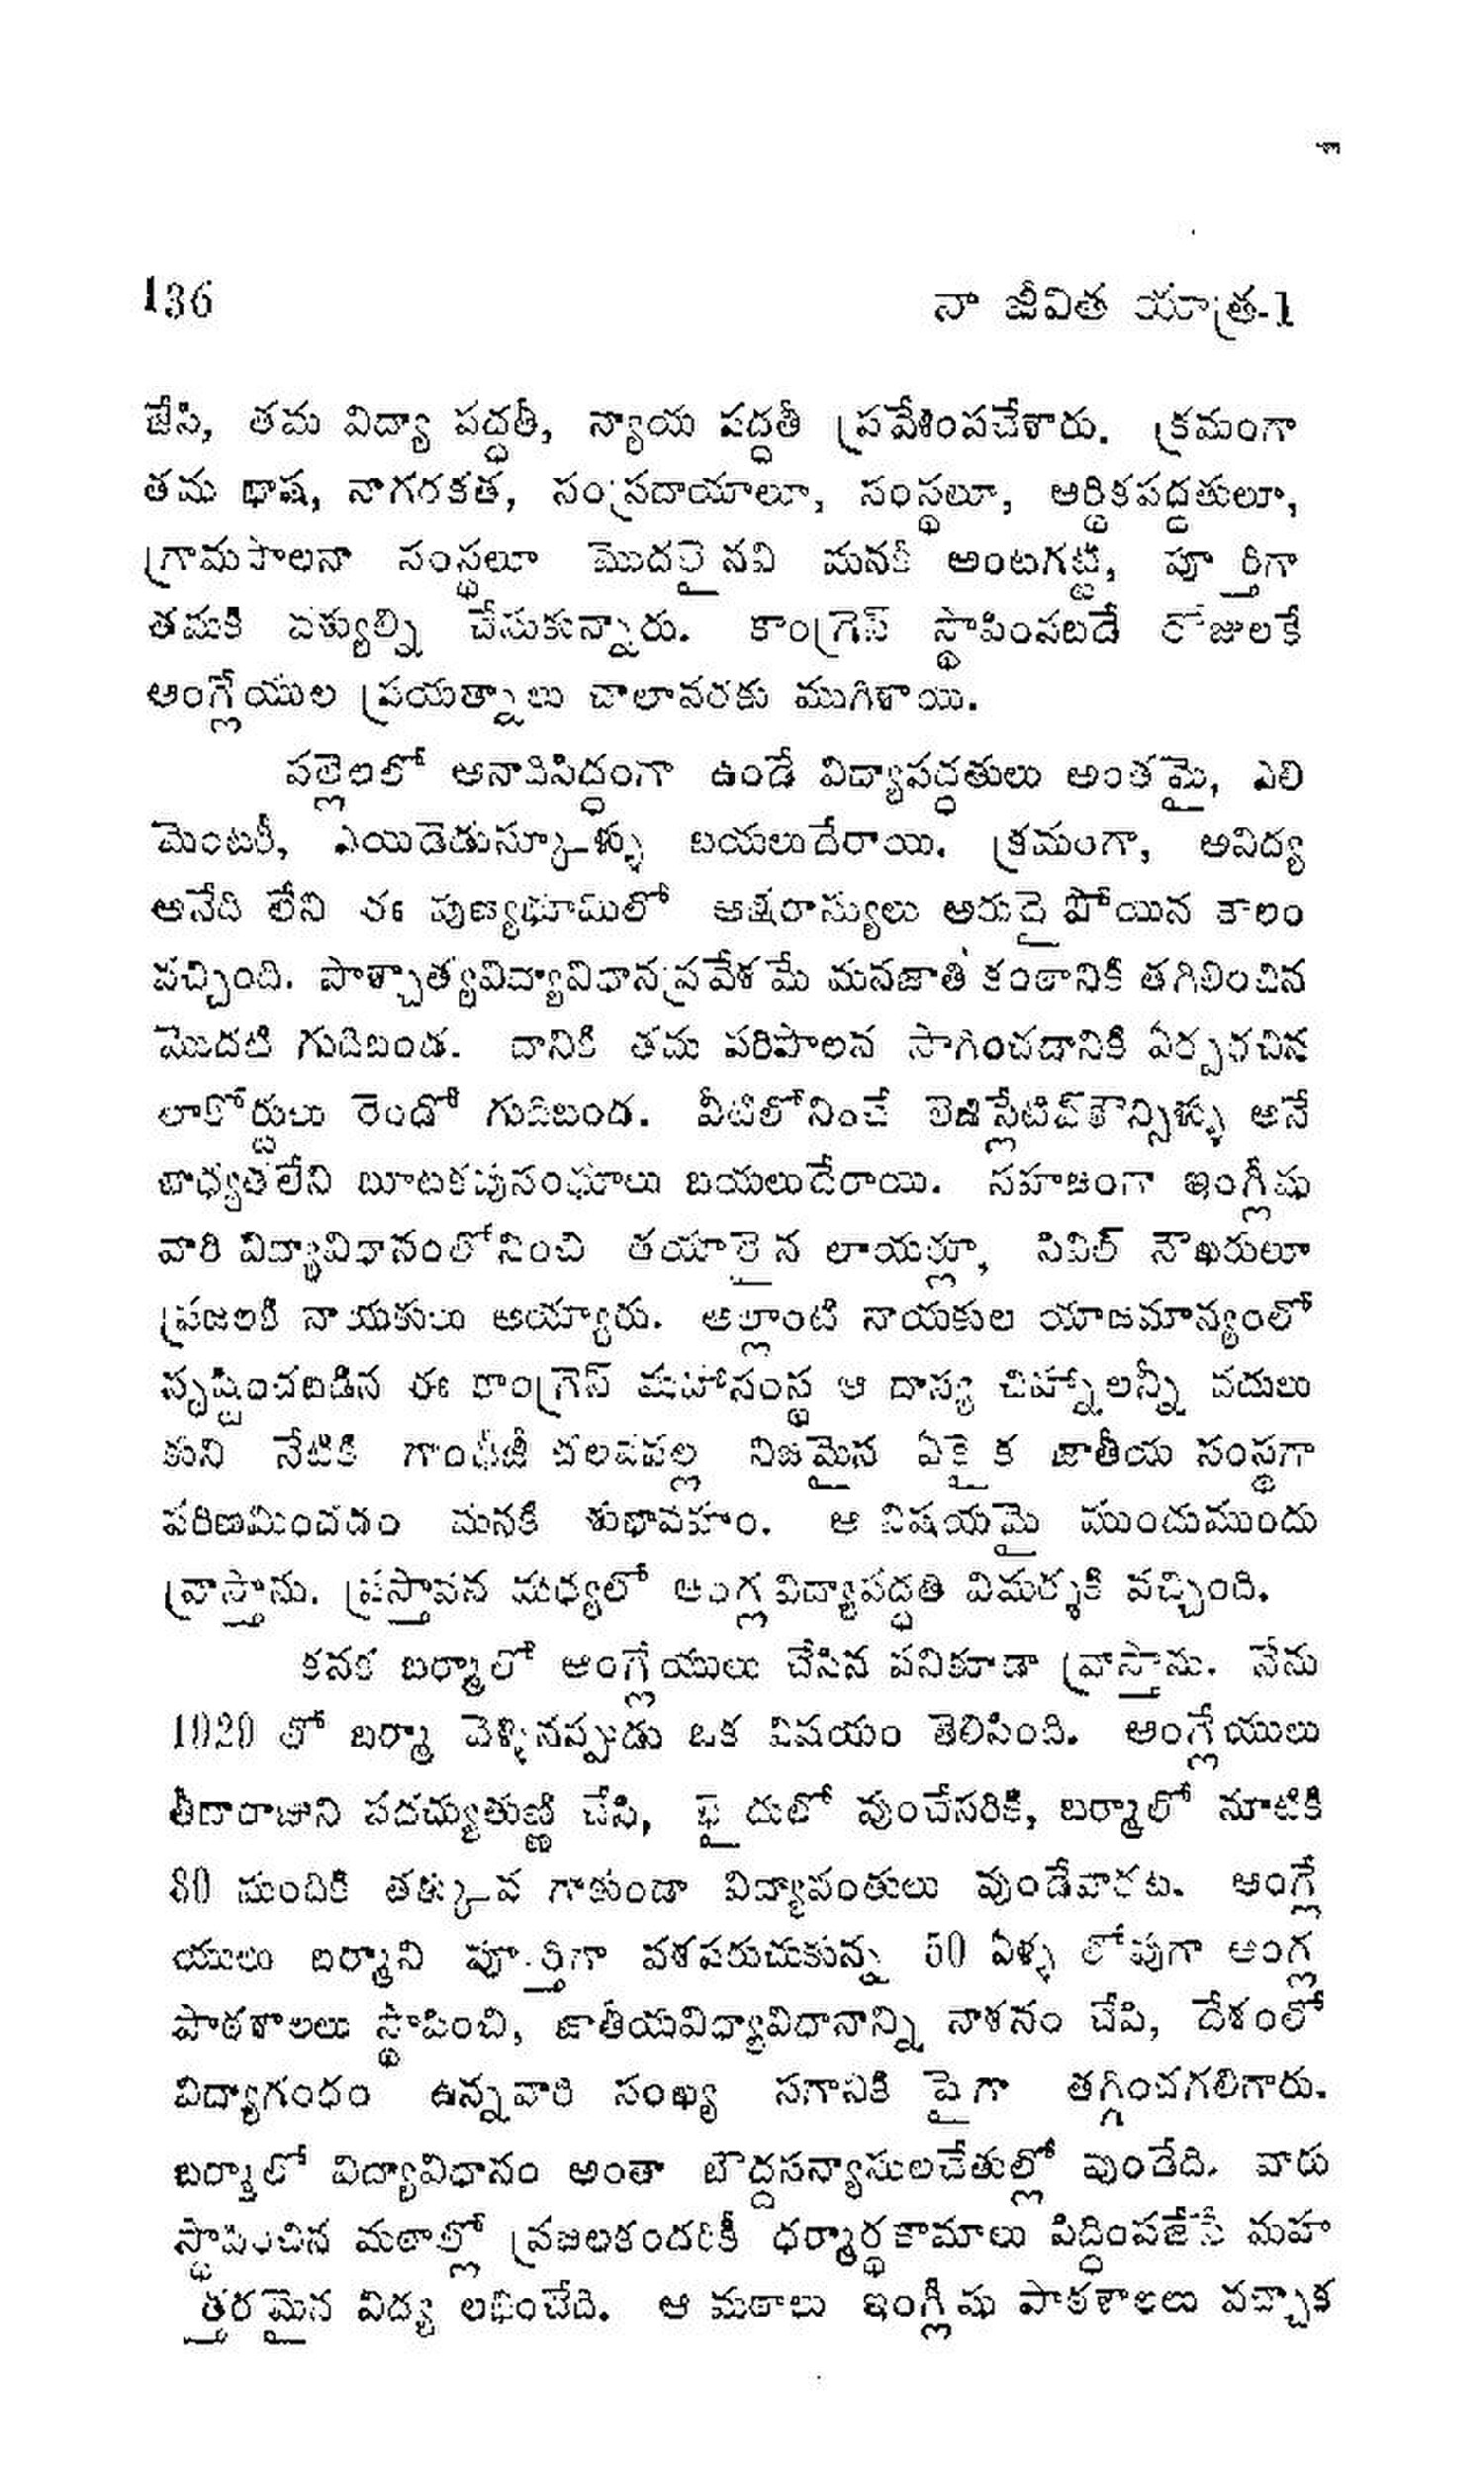జేసి, తమ విద్యా పద్ధతీ, న్యాయ పద్ధతీ ప్రవేశింపచేశారు. క్రమంగా తమ భాష, నాగరకత, సంప్రదాయాలూ, సంస్థలూ, ఆర్థికపద్ధతులూ, గ్రామ పాలనా సంస్థలూ మొదలైనవి మనకి అంటగట్టి, పూర్తిగా తమకి వశ్యుల్ని చేసుకున్నారు. కాంగ్రెస్ స్థాపింపబడే రోజులకే ఆంగ్లేయుల ప్రయత్నాలు చాలావరకు ముగిశాయి.

పల్లెలలో అనాదిసిద్ధంగా ఉండే విద్యాపద్ధతులు అంతమై, ఎలిమెంటరీ, ఎయిడెడుస్కూళ్ళు, బయలుదేరాయి. క్రమంగా, ఆవిద్య అనేది లేని ఈ పుణ్యభూమిలో అక్షరాస్యులు అరుదై పోయిన కాలం వచ్చింది. పాశ్చాత్య విద్యావిధాన ప్రవేశమే మనజాతి కంఠానికి తగిలించిన మొదటి గుదిబండ. దానికి తమ పరిపాలన సాగించడానికి ఏర్పరచిన లాకోర్టులు రెండో గుదిబండ. వీటిలోనించే లెజిస్లేటివ్‌కౌన్సిళ్ళు అనే భాధ్యతలేని బూటకపు సంఘాలు బయలుదేరాయి. సహజంగా ఇంగ్లీషు వారి విద్యావిధానంలో నించి తయారైన లాయర్లూ, సివిల్ నౌఖరులూ ప్రజలకి నాయకులు అయ్యారు. అల్లాంటి నాయకుల యాజమాన్యంలో సృష్టించబడిన ఈ కాంగ్రెస్ మహాసంస్థ ఆ దాస్య చిహ్నాలన్నీ వదులుకుని నేటికి గాంధీజీ చలవవల్ల నిజమైన ఏకైక జాతీయ సంస్థగా పరిణమించడం మనకి శుభావహం. అ విషయమై ముందుముందు వ్రాస్తాను. ప్రస్తావన మధ్యలో ఆంగ్ల విద్యాపద్ధతి విమర్శకి వచ్చింది.

కనక బర్మాలో ఆంగ్లేయులు చేసిన పనికూడా వ్రాస్తాను. నేను 1929 లో బర్మా వెళ్ళినప్పుడు ఒక విషయం తెలిసింది. ఆంగ్లేయులు తీబారాజుని పదచ్యుతుణ్ణి చేసి, ఖైదులో వుంచేసరికి, బర్మాలో నూటికి 80 మందికి తక్కువ గాకుండా విద్యావంతులు వుండేవారట. ఆంగ్లేయులు బర్మాని పూర్తిగా వశపరుచుకున్న 50 ఏళ్ళ లోపుగా ఆంగ్ల పాఠశాలలు స్థాపించి, జాతీయవిద్యావిధానాన్ని నాశనం చేసి, దేశంలో విద్యాగంధం ఉన్నవారి సంఖ్య సగానికి పైగా తగ్గించగలిగారు. బర్మాలో విద్యావిధానం అంతా బౌద్దసన్యాసులచేతుల్లో వుండేది. వారు స్థాపించిన మఠాల్లో ప్రజలకందరికీ ధర్మార్థకామాలు సిద్ధింపజేసే మహత్తరమైన విద్య లభించేది. ఆ మఠాలు ఇంగ్లీషు పాఠాశాలలు వచ్చాక